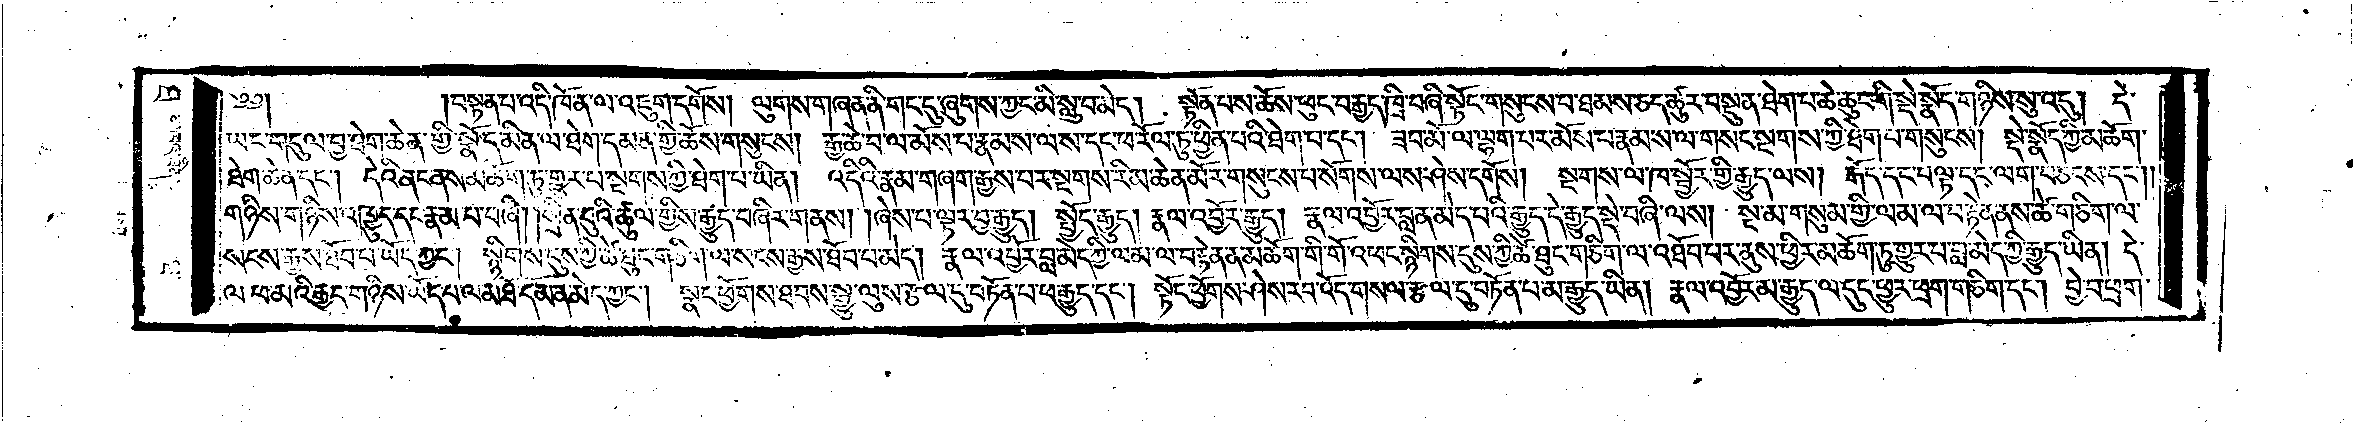༄༅། །བསྟན་པ་འདི་ཁོ་ན་ལ་འཇུག་དགོས། ལུགས་གཞན་ནི་གང་དུ་ཞུགས་ཀྱང་མི་སླུ་བ་མེད། སྟོན་པས་ཆོས་ཕུང་བརྒྱད་ཁྲི་བཞི་སྟོང་གསུངས་པ་ཐམས་ཅད་ཚུར་བསྡུ་ན་ཐེག་པ་ཆེ་ཆུང་གི་སྡེ་སྣོད་གཉིས་སུ་འདུ། དེ་
ཡང་གདུལ་བྱ་ཐེག་ཆེན་གྱི་སྣོད་མིན་ལ་ཐེག་དམན་གྱི་ཆོས་གསུངས། རྒྱ་ཆེ་བ་ལ་མོས་པ་རྣམས་ལས་དང་ཕ་རོལ་ཏུ་ཕྱིན་པའི་ཐེག་པ་དང་། ཟབ་མོ་ལ་ལྷག་པར་མོས་པ་རྣམས་ལ་གསང་སྔགས་ཀྱི་ཐེག་པ་གསུངས། སྡེ་སྣོད་ཀྱི་མཆོག་
ཐེག་ཆེན་དང་། དེའི་ནང་ནས་མཆོག་ཏུ་གྱུར་པ་སྔགས་ཀྱི་ཐེག་པ་ཡིན། འདིའི་རྣམ་གཞག་རྒྱས་པར་སྔགས་རིམ་ཆེན་མོར་གསུངས་པ་སོགས་ལས་ཤེས་དགོས། སྔགས་ལ་ཁ་སྦྱོར་གྱི་རྒྱུད་ལས། རྒེད་དང་བལྟ་དང་ལག་བཅངས་དང་། །
གཉིས་གཉིས་འཁྱུད་དང་རྣམ་པ་བཞི། །སྲིན་བུའི་ཚུལ་གྱིས་རྒྱུད་བཞིར་གནས། །ཞེས་པ་ལྟར་བྱ་རྒྱུད། སྤྱོད་རྒྱུད། རྣལ་འབྱོར་རྒྱུད། རྣལ་འབྱོར་བླ་ན་མེད་པའི་རྒྱུད་དེ་རྒྱུད་སྡེ་བཞི་ལས། སྔ་མ་གསུམ་གྱི་ལམ་ལ་བརྟེན་ནས་ཚེ་གཅིག་ལ་
སངས་རྒྱས་ཐོབ་པ་ཡོད་ཀྱང་། སྙིགས་དུས་ཀྱི་ཚེ་ཐུང་གཅིག་ལ་སངས་རྒྱས་ཐོབ་པ་མེད། རྣལ་འབྱོར་བླ་མེད་ཀྱི་ལམ་ལ་བརྟེན་ན་མཆོག་གི་གོ་འཕང་སྙིགས་དུས་ཀྱི་ཚེ་ཐུང་གཅིག་ལ་འཐོབ་པར་ནུས་ཕྱིར་མཆོག་ཏུ་གྱུར་པ་བླ་མེད་ཀྱི་རྒྱུད་ཡིན། དེ་
ལ་ཕ་མའི་རྒྱུད་གཉིས་ཡོད་པ་ལ་མཐོ་དམན་མེད་ཀྱང་། སྣང་ཕྱོགས་ཐབས་སྒྱུ་ལུས་རྩ་ལ་དུ་བཏོན་པ་ཕ་རྒྱུད་དང་། སྟོང་ཕྱོགས་ཤེས་རབ་འོད་གསལ་རྩལ་དུ་བཏོན་པ་མ་རྒྱུད་ཡིན། རྣལ་འབྱོར་མ་རྒྱུད་ལ་དུང་ཕྱུར་ཕྲག་གཅིག་དང་། བྱེ་བ་ཕྲག་